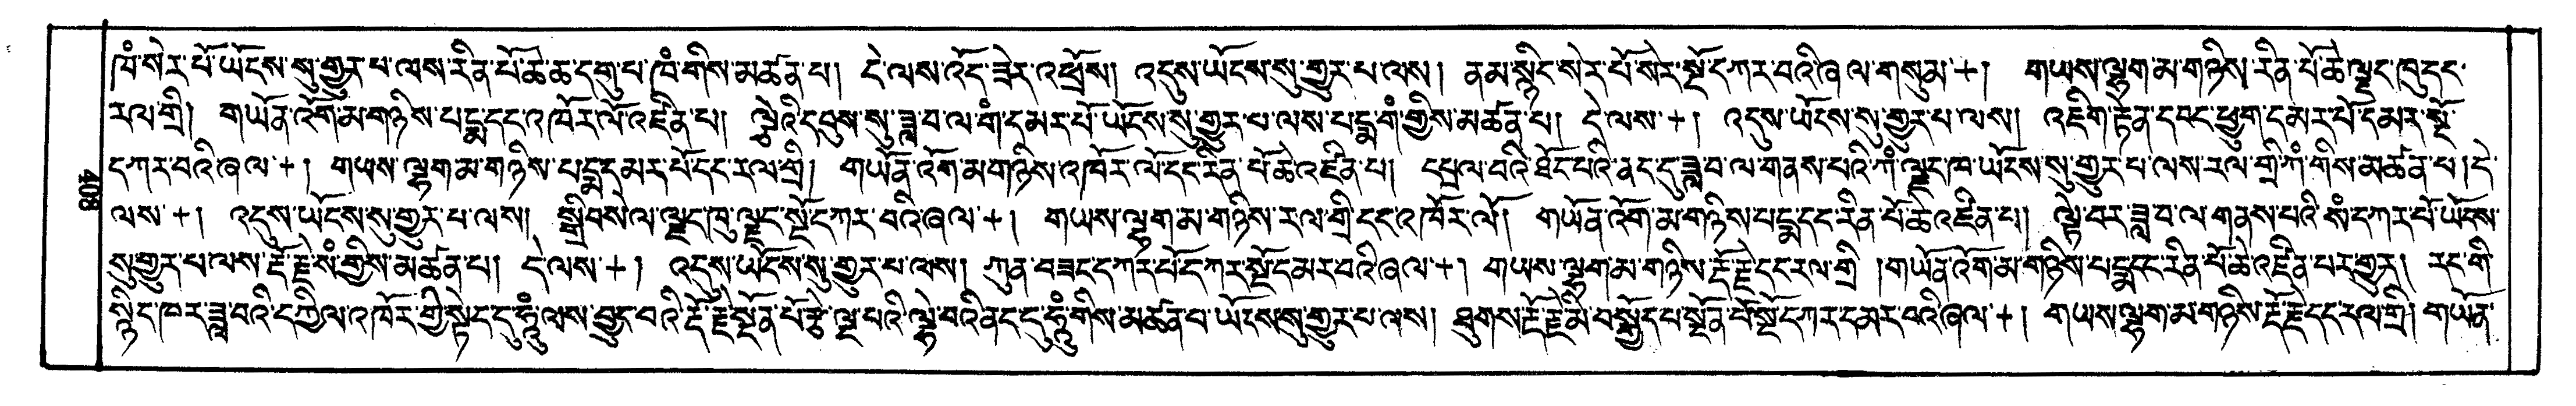ཁཾ་སེར་པོ་ཡོངས་སུ་གྱུར་པ་ལས་རིན་པོ་ཆེ་ཆ་དགུ་པ་ཁཾ་གིས་མཚན་པ། དེ་ལས་འོད་ཟེར་འཕྲོས། འདུས་ཡོངས་སུ་གྱུར་པ་ལས། ནམ་སྙིང་སེར་པོ་སེར་སྔོ་དཀར་བའི་ཞལ་གསུམ་+། གཡས་ལྷག་མ་གཉིས་རིན་པོ་ཆེ་ལྗང་ཁུ་དང་
རལ་གྲི། གཡོན་འོག་མ་གཉིས་པདམ་དང་འཁོར་ལོ་འཛིན་པ། ལྕེའི་དབུས་སུ་ཟླ་བ་ལ་གཾ་དམར་པོ་ཡོངས་སུ་གྱུར་བ་ལས་པདམ་གཾ་གྱིས་མཚན་པ། དེ་ལས་+། འདུས་ཡོངས་སུ་གྱུར་པ་ལས། འཇིག་རྟེན་དབང་ཕྱུག་དམར་པོ་དམར་སྔོ་
དཀར་བའི་ཞལ་+། གཡས་ལྷག་མ་གཉིས་པདམ་དམར་པོ་དང་རལ་གྲི། གཡོན་འོག་མ་གཉིས་འཁོར་ལོ་དང་རིན་པོ་ཆེ་འཛིན་པ། དཔྲལ་བའི་ཐོད་པའི་ནང་དུ་ཟླ་བ་ལ་གནས་པའི་ཀཾ་ལྗང་ཁུ་ཡོངས་སུ་གྱུར་པ་ལས་རལ་གྲི་ཀཾ་གིས་མཚན་པ། དེ་
ལས་+། འདུས་ཡོངས་སུ་གྱུར་པ་ལས། སྒྲིབ་སེལ་ལྗང་ཁུ་ལྗང་སྔོ་དཀར་བའི་ཞལ་+། གཡས་ལྷག་མ་གཉིས་རལ་གྲི་དང་འཁོར་ལོ། གཡོན་འོག་མ་གཉིས་པདམ་དང་རིན་པོ་ཆེ་འཛིན་པ། ལྟེ་བར་ཟླ་བ་ལ་གནས་པའི་སཾ་དཀར་པ་ཡོངས་
སུ་གྱུར་པ་ལས་རྡོ་རྗེ་སཾ་གྱིས་མཚན་པ། དེ་ལས་+། འདུས་ཡོངས་སུ་གྱུར་པ་ལས། ཀུན་བཟང་དཀར་པོ་དཀར་སྔོ་དམར་བའི་ཞལ་+། གཡས་ལྷག་མ་གཉིས་རྡོ་རྗེ་དང་རལ་གྲི་།གཡོན་འོག་མ་གཉིས་པདམ་དང་རིན་པོ་ཆེ་འཛིན་པར་གྱུར། རང་གི་
སྙིང་ཁར་ཟླ་བའི་དཀྱིལ་འཁོར་གྱི་སྟེང་དུ་ཧཱུཾ་ལས་བྱུང་བའི་རྡོ་རྗེ་སྔོན་པོ་རྩེ་ལྔ་བའི་ལྟེ་བའི་ནང་དུ་ཧཱུཾ་གིས་མཚན་པ་ཡོངས་སུ་གྱུར་པ་ལས། ཐུགས་རྡོ་རྗེ་མི་བསྐྱོད་པ་སྔོན་པོ་སྔོ་དཀར་དམར་བའི་ཞལ་+། གཡས་ལྷག་མ་གཉིས་རྡོ་རྗེ་དང་རལ་གྲི། གཡོན་